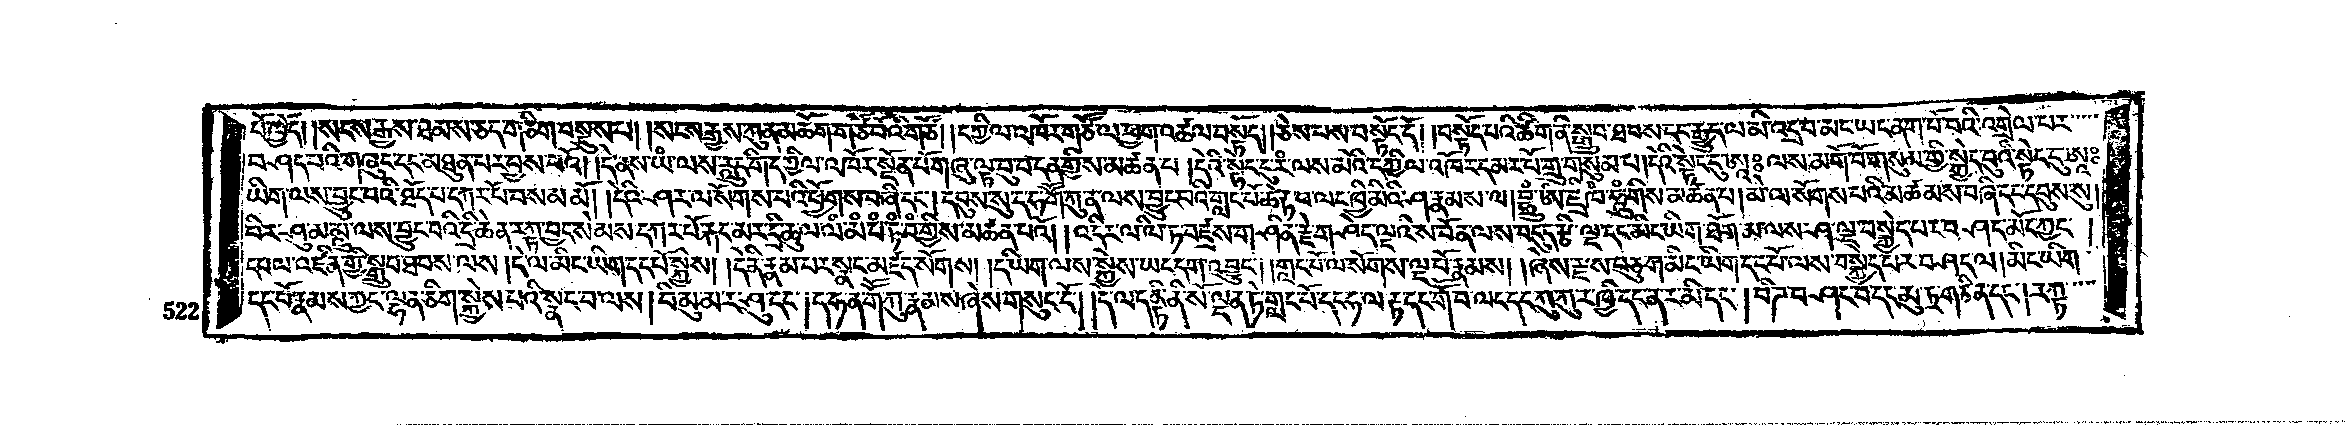པོ་ཁྱོད། །སངས་རྒྱས་ཐམས་ཅད་གཅིག་བསྡུས་པ། །སངས་རྒྱས་ཀུན་མཆོག་གཙོ་བོའི་གཙོ། །དཀྱིལ་འཁོར་གཙོ་ལ་ཕྱག་འཚལ་བསྟོད། །ཅེས་པས་བསྟོད་དོ། །བསྟོད་པའི་ཚིག་ནི་སྒྲུབ་ཐབས་དང་རྒྱུད་ལ་མི་འདྲ་བ་མང་ཡང་ནག་པོ་བའི་འགྲེལ་པར་
བཤད་པའི་གཞུང་དང་མཐུན་པར་བྱས་པའོ། །དེ་ནས་ཡཾ་ལས་རླུང་གི་དཀྱིལ་འཁོར་སྔོན་པོ་གཞུ་ལྟ་བུ་བ་དན་གྱིས་མཚན་པ། དེའི་སྟེང་དུ་རཾ་ལས་མེའི་དཀྱིལ་འཁོར་དམར་པོ་གྲུ་གསུམ་པ། དེའི་སྟེང་དུ་ཨཱཿ ལས་མགོ་བོ་གསུམ་གྱི་སྐྱེད་བུའི་སྟེང་དུ་ཨཱཿ
ཡིག་ལས་བྱུང་བའི་ཐོད་པ་དཀར་པོ་བསམ་མོ། །དེའི་ཤར་ལ་སོགས་པའི་ཕྱོགས་བཞི་དང་། དབུས་སུ་ད་ཧ་གཽ་ཀུ་ན་ལས་བྱུང་བའི་གླང་པོ་ཆེ་རྟ་བ་ལང་ཁྱི་མིའི་ཤ་རྣམས་ལ། བྷྲུཾ་ཨཾ་ཛྲི་ཁཾ་ཧཱུཾ་གིས་མཚན་པ། མེ་ལ་སོགས་པའི་མཚམས་བཞི་དང་དབུས་སུ།
པིར་ཤུ་མ་མཱུ་ལས་བྱུང་བའི་དྲི་ཆེན་རཀྟ་བྱང་སེམས་དཀར་པོ་རྐང་མར་དྲི་ཆུ་ལ་ལཾ་མཾ་པཾ་ཏཾ་བཾ་གྱིས་མཚན་པའོ། །འདིར་ལ་ལི་ཏ་བཛྲས་གཤིན་རྗེ་གཤེད་ལྔའི་ས་བོན་ལས་བདུད་རྩི་ལྔ་དང་མིང་ཡིག་ཐོག་མ་ལས་ཤ་ལྔ་བསྐྱེད་པར་བཤད་མོད་ཀྱང་།
དཔལ་འཛིན་གྱི་སྒྲུབ་ཐབས་ལས། དེ་ལ་མིང་ཡིག་དང་པོ་སྐྱེས། །དེ་ནི་རྣམ་པར་སྣང་མཛད་སོགས། །ད་ཡིག་ལས་སྐྱེས་ཡང་དག་འབྱུང་། །གླང་པོ་ལ་སོགས་ལྔ་པོ་རྣམས། །ཞེས་རྫས་བཅུག་མིང་ཡིག་དང་པོ་ལས་བསྐྱེད་པར་བཤད་ལ། མིང་ཡིག་
དང་པོ་རྣམས་ཀྱང་ལྷན་ཅིག་སྐྱེས་པའི་སྣང་བ་ལས། བི་མུ་མ་ར་ཤུ་དང་། ད་ཧ་ན་གཽ་ཀུ་རྣམས་ཞེས་གསུང་ངོ། །དེ་ལ་དནིཏ་ནི་སོ་ལྡན་ཏེ་གླང་པོ་དང་ལྷ་ལ་རྟ་དང་གཽ་བ་ལང་དང་ཀུ་ཀུ་ར་ཁྱི་དང་ན་ར་མི་དང་། བི་ཌ་བཤང་བ་དང་མུ་ཏྲ་གཅིན་དང་། རཀྟ་